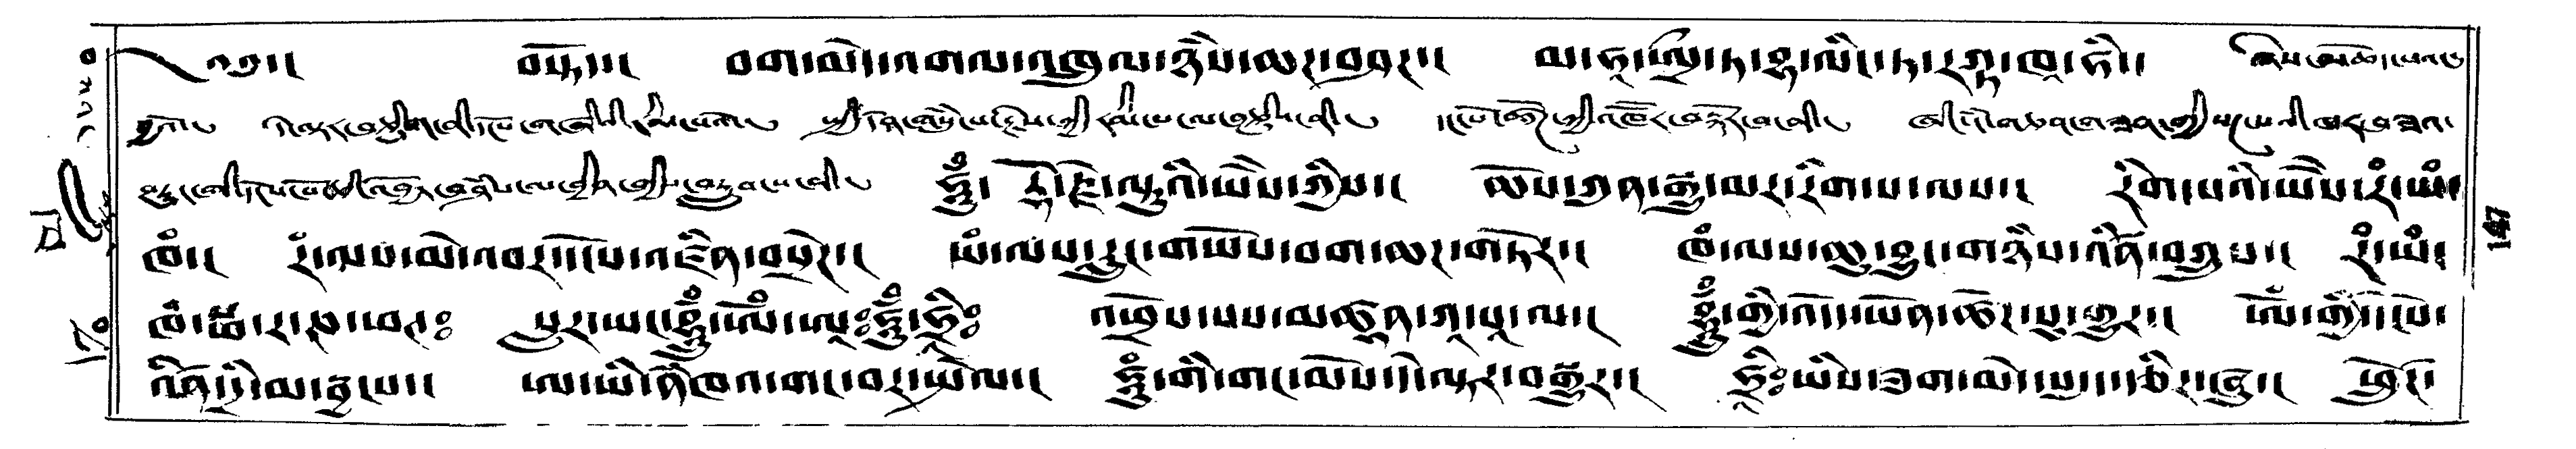།བག་མེད་འགལ་འཁྲུལ་ཉམས་ཆགས་བཤགས། མ་ཧཱ་ཨ་མྲྀ་ཏ་བྷ་ལིང་ཏ་རཀྟ་ཁཱ་ཧི། ཞེས་མཆོད་པའང་
བྱའོ།། དེ་ལྟར་བཅུ་གཅིག་ནི་དངོས་གཞིའི་རིམ་པའོ།། སྤྱི་དོན་གསུམ་པ་རྗེས་ཀྱི་རིམ་པ་ལ་བཅུ་གཉིས་ལས། དང་པོ་ཚོགས་ཀྱི་འཁོར་ལོ་བསྐོར་བ་ནི། ཞིང་ངམ་གཅན་གཟན་གྱི་ལྤགས་པའི་ཁར་བཟའ་
བཏུང་གི་དངོས་པོ་ཅི་འབྱོར་བཤམས་ལ་བྱིན་གྱིས་བརླབས་པ་ནི། ཧཱུྃ་རྡོ་རྗེ་ལྟ་བུའི་ཡེ་ཤེས་ཀྱིས། །ཆོས་ཀུན་སྒྱུ་མར་རིག་པ་ལས། །རིག་པའི་ཡེ་ཤེས་རཾ་ཡཾ་
ཁཾ། །རཾ་ལས་མེ་འབར་དངོས་འཛིན་བསྲེགས། །ཡཾ་ལས་རླུང་གཡོས་བག་ཆགས་གཏོར། །ཁཾ་ལས་ཆུ་བྱུང་གཉིས་འཛིན་བཀྲུས། །རཾ་ཡཾ་
ཁཾ་སྥ་ར་ཎ་ཕཊཿ སླར་ཡང་བྷྲུཾ་ཨོཾ་ཨཱཿཧཱུྃ་ཧྲཱིཿ འཕྲོས་པས་མཚན་ལྡན་ཀཱ་པཱ་ལར། །བྷྲུྃ་གྱིས་འདོད་ཡོན་ཚོགས་སུ་གྱུར། །ཨོཾ་གྱི་དངོས་
འཛིན་དྲི་མ་སྦྱངས། །ཨ་ཡི་ནམ་མཁའ་གང་བར་སྤེལ། །ཧཱུྃ་གིས་གང་མོས་དེ་ལྟར་བསྒྱུར། །ཧྲཱིཿཡིས་ཟག་མེད་བདུད་རྩིར་ཞུ། །ཕུན་ཚོགས་